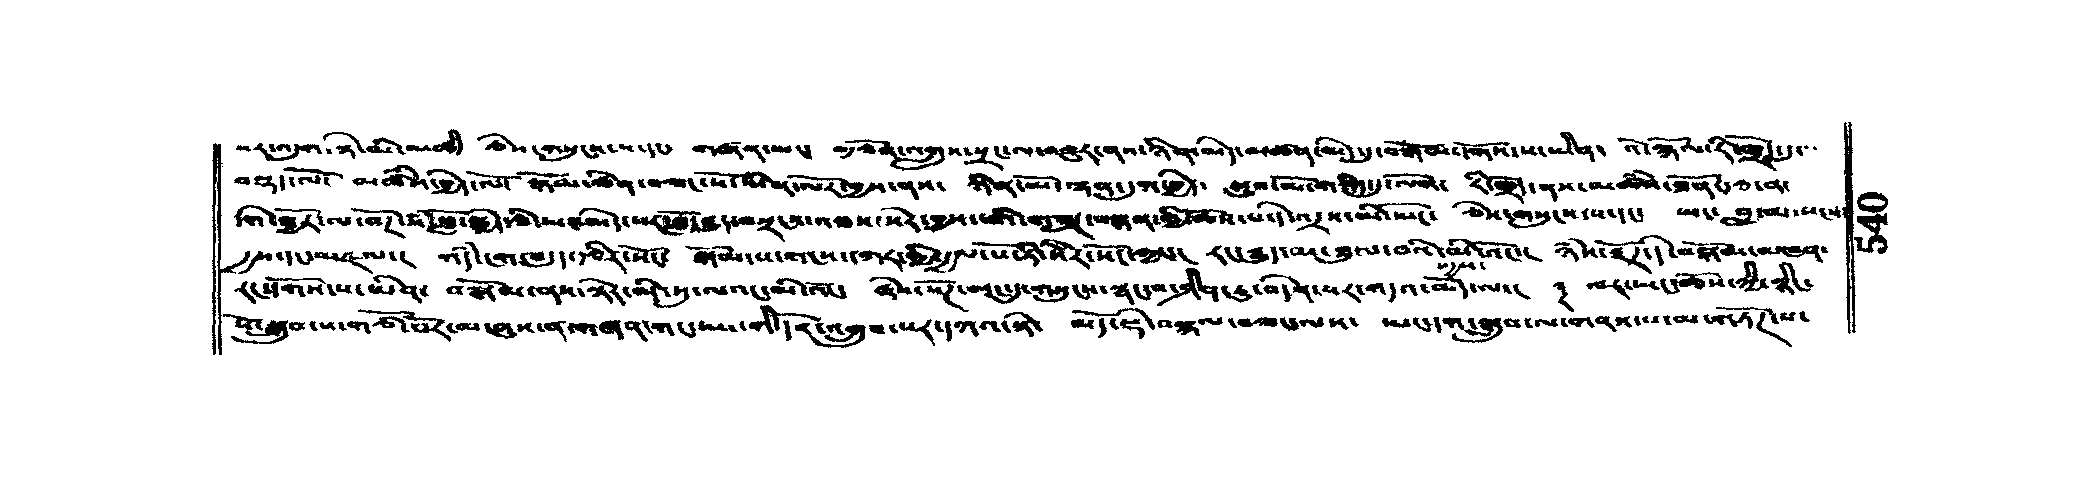པར་འདུག་སྟེ་མི་མཆི། ཞེས་གསུངས་པ་དང་། གཞན་ཡང་། བརྩོན་འགྲུས་སྲང་ལ་བཅུར་ནས་ཉིན་མེད་མཚན་མེད་དུ་བསྒོམ་དགོས་པ་ཡིན། འོ་སྐོལ་རི་ཁྲོད་དུ་
བསྡད་ལོ། མཚམས་བྱེད་ལོ། སྒོམ་ཆེན་བཟང་པོ་ཡིན་ལོར་བྱས་ནས། ཉིན་མོ་ལྷན་འདུག་བྱེད། ནུབ་མོ་གཉིད་དུ་ལོག རི་ཁྲོད་ནས་མཚམས་ཐོན་རྩ་ན། 
དགེ་སྦྱོར་ལ་ཐོགས་སམ་བློ་སྐྱེད་ཅི་ཡང་མེད་པར་བློ་རྒྱུད་བསྲ་འཐས་སེར་བྱས་པའི་གཟུགས་བརྙན་གྱི་ཆོས་པ་དེ་འདྲས་མི་ཡོང་།ཅེས་གསུངས་པ་དང་། ཡང་། བླ་མ་སངས་
རྒྱས་དང་མཇལ། གདམས་ངག་བདུད་རྩིར་སོང་། སྒོམ་པ་གངས་དཀར་ཀྱི་རྒྱལ་པོ་ཏི་སེར་སོང་ཀྱང་། རང་རྒྱུད་མ་ཐུལ་བའི་སངས་རྒྱས་མི་འོང་། ཉམས་རྟོགས་དེ་བསྒོམ་མཁན་
རང་དགོས་པ་ཡིན། བསྒོམ་ནས་སྟེར་མི་སུ་ལའང་མི་འོང་། ཞེས་སོགས་མང་དུ་གསུངས་སྣང་བ་ཤིན་ཏུ་བདེན་པར་གདའ་མོད་ལ། ལར་ཡང་ཆོས་ཀྱི་སྙིང་
པོ་སྒྲུབ་པ་གཙོ་བོར་མ་ནུས་ན་གཞན་གང་གིས་དོན་འགྲུབ་པར་དཀའ་སྟེ། མདོ་སྡེ་བསྐལ་བཟང་ལས། ཡང་དག་སྒྲུབ་ལ་གནས་པ་མ་གཏོགས་པ།